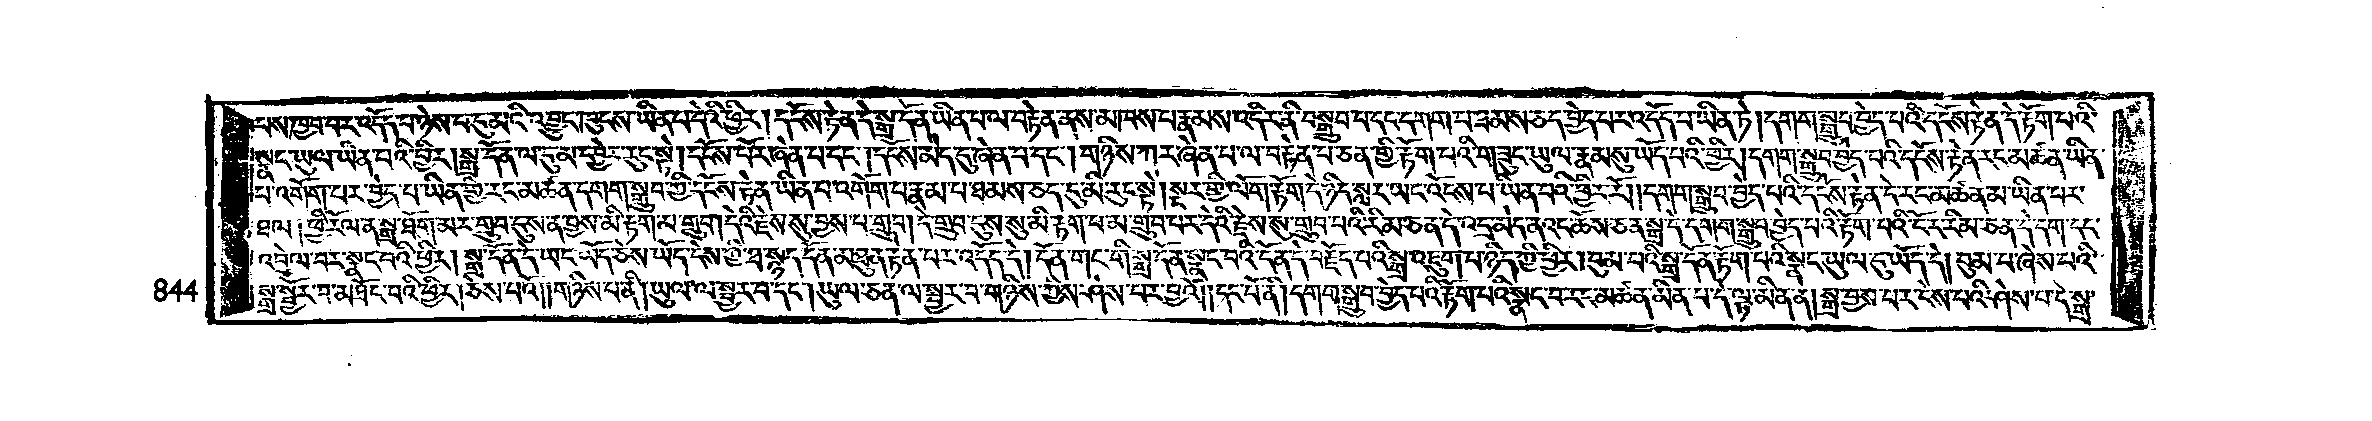པས་ཁྱབ་པར་འདོད་པ་ཉེས་པ་དུ་མའི་འབྱུང་ཁུངས་ཡིན་པ་དེའི་ཕྱིར། དངོས་རྟེན་དེ་སྒྲ་དོན་ཡིན་པ་ལ་བརྟེན་ནས་མཁས་པ་རྣམས་འདིར་ནི་བསྒྲུབ་པ་དང་དགག་པ་ཐམས་ཅད་བྱེད་པར་འདོད་པ་ཡིན་ཏེ། དགག་སྒྲུབ་བྱེད་པའི་དངོས་རྟེན་དེ་རྟོག་པའི་
སྣང་ཡུལ་ཡིན་པའི་ཕྱིར། སྒྲ་དོན་ལ་དུ་མ་དབྱེར་རུང་སྟེ། དངོས་པོར་ཞེན་པ་དང་། དངོས་མེད་དུ་ཞེན་པ་དང་། གཉིས་ཀར་ཞེན་པ་ལ་བརྟེན་པ་ཅན་གྱི་རྟོག་པའི་གཟུང་ཡུལ་རྣམས་སུ་ཡོད་པའི་ཕྱིར། དགག་སྒྲུབ་བྱེད་པའི་དངོས་རྟེན་རང་མཚན་ཡིན་
པ་འགོག་པར་བྱེད་པ་ཡིན་གྱི་རང་མཚན་དགག་སྒྲུབ་ཀྱི་དངོས་རྟེན་ཡིན་པ་འགོག་པ་རྣམ་པ་ཐམས་ཅད་དུ་མི་རུང་སྟེ། སྔར་གྱི་ལོག་རྟོག་དེ་ཉིད་སླར་ཡང་འོངས་པ་ཡིན་པའི་ཕྱིར་རོ། །དགག་སྒྲུབ་བྱེད་པའི་དངོས་རྟེན་དེ་རང་མཚན་མ་ཡིན་པར་
ཐལ། ཕྱི་རོལ་ན་སྒྲ་ཐོག་མར་གྲུབ་དུས་ན་བྱས་མི་རྟག་མ་གྲུབ། དེའི་རྗེས་སུ་བྱས་པ་གྲུབ། དེ་གྲུབ་དུས་སུ་མི་རྟག་པ་མ་གྲུབ་པར་དེའི་རྗེས་སུ་གྲུབ་པའི་རིམ་ཅན་དེ་འདྲ་མེད་ནའང་ཆོས་ཅན་སྒྲ་དེ་དགག་སྒྲུབ་བྱེད་པའི་རྟོག་པའི་ངོར་རིམ་ཅན་དེ་དག་དང་
འབྲེལ་བར་སྣང་བའི་ཕྱིར། སྒྲ་དོན་དེ་ཡང་ཡོད་ཅེས་ཡོད་ངེས་ཀྱི་ཐ་སྙད་དོན་མཐུན་རྟེན་པར་འདོད་དེ། དོན་གང་གི་སྒྲ་དོན་སྣང་བའི་དོན་དེ་བརྗོད་པའི་སྒྲ་འཇུག་པ་ཉིད་ཀྱི་ཕྱིར། བུམ་པའི་སྒྲ་དོན་རྟོག་པའི་སྣང་ཡུལ་དུ་ཡོད་དེ། བུམ་པ་ཞེས་པའི་
སྒྲ་སྦྱོར་བ་མཐོང་བའི་ཕྱིར། ཅེས་པའོ། །གཉིས་པ་ནི། ཡུལ་ལ་སྦྱར་བ་དང་། ཡུལ་ཅན་ལ་སྦྱར་བ་གཉིས་ཀྱིས་ཤེས་པར་བྱའོ། །དང་པོ་ནི། དགག་སྒྲུབ་བྱེད་པའི་རྟོག་པའི་སྣང་བ་རང་མཚན་མིན་པ་དེ་ལྟ་མིན་ན། སྒྲ་བྱས་པར་ངེས་པའི་ཤེས་པ་དེ་སྒྲ་